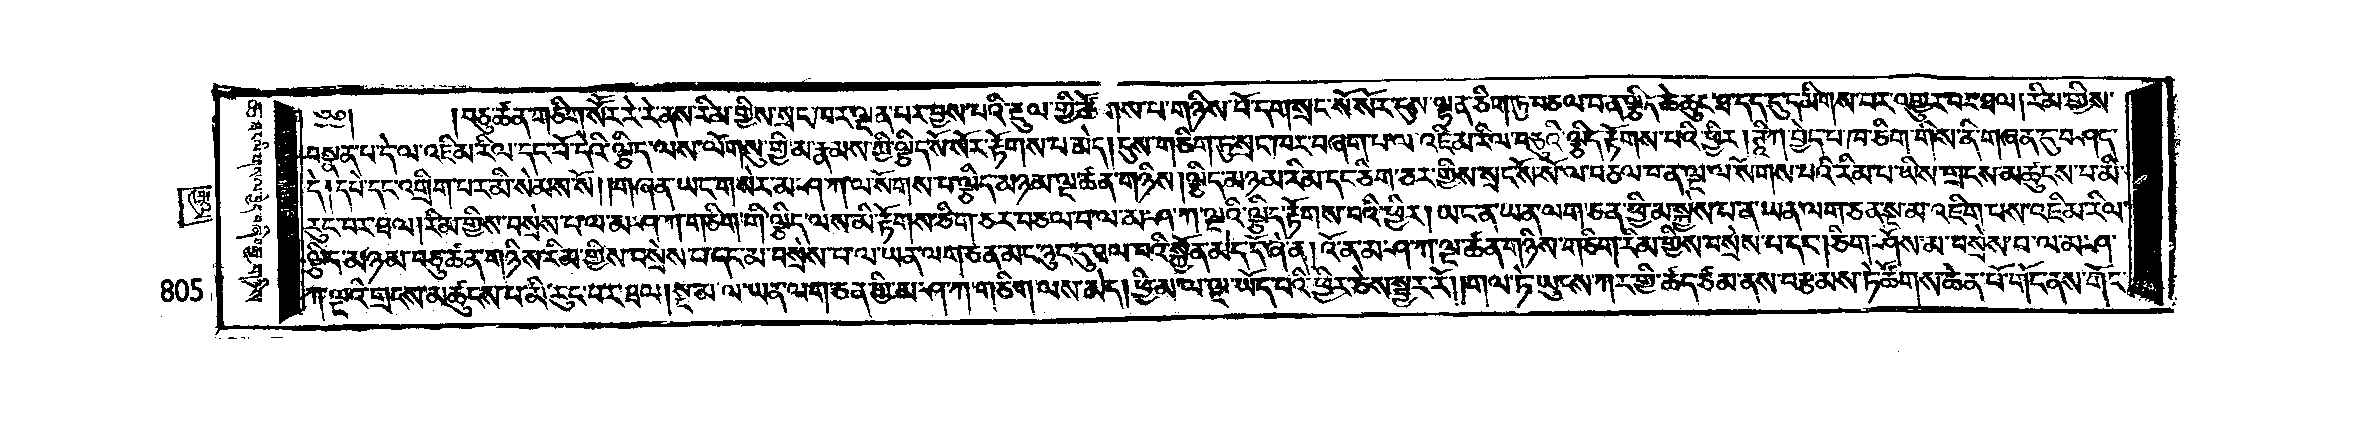༄༅། །བཅུ་ཚན་གཅིག་སཽར་རེ་རེ་ནས་རིམ་གྱིས་སྲང་ཁར་ལྡན་པར་བྱས་པའི་རྡུལ་གྱི་ཚོགས་པ་གཉིས་པོ་དག་སྲང་སོ་སོར་དུས་ལྷན་ཅིག་ཏུ་བཅལ་བ་ན་ལྕིད་ཆེ་ཆུང་ཐ་དད་དུ་དམིགས་པར་འགྱུར་བར་ཐལ། རིམ་གྱིས་
བསྣན་པ་དེ་ལ་འཇིམ་རིལ་དང་པོ་དེའི་ལྕིད་ལས་ལོགས་སུ་གྱི་མ་རྣམས་ཀྱི་ལྕིད་སོ་སོར་རྟོགས་པ་མེད། དུས་གཅིག་ཏུ་སྲང་ཁར་བཞག་པ་ལ་འཇིམ་རིལ་བཅུའི་ལྕིད་རྟོགས་པའི་ཕྱིར། ཊཱིག་བྱེད་པ་ཁ་ཅིག་གིས་ནི་གཞན་དུ་བཤད་
དེ། དཔེ་དང་འགྲིག་པར་མི་སེམས་སོ། །གཞན་ཡང་གསེར་མ་ཤ་ཀ་ལ་སོགས་པ་ལྕིད་མཉམ་ལྔ་ཚན་གཉིས། ལྕིད་མཉམ་རིམ་དང་ཅིག་ཅར་གྱིས་སྲང་སོ་སོ་ལ་བཅལ་བ་ན་ལྔ་ལ་སོགས་པའི་རིམ་པ་ཡིས་གྲངས་མཚུངས་པ་མི་
རུང་བར་ཐལ། རིམ་གྱིས་བསྲེས་པ་ལ་མ་ཤ་ཀ་གཅིག་གི་ལྕིད་ལས་མི་རྟོགས་ཅིག་ཅར་བཅལ་བ་ལ་མ་ཤ་ཀ་ལྔའི་ལྕིད་རྟོགས་པའི་ཕྱིར། ཡང་ན་ཡན་ལག་ཅན་ཕྱི་མ་སྐྱེས་པ་ན་ཡན་ལག་ཅན་སྔ་མ་འཇིག་པས་འཇིམ་རིལ་
ལྕིད་མཉམ་བཅུ་ཚན་གཉིས་རིམ་གྱིས་བསྲེས་པ་དང་མ་བསྲེས་པ་ལ་ཡན་ལག་ཅན་མང་ཉུང་དུ་ཐལ་བའི་སྐྱོན་མེད་དོ་ཞེ་ན། འོ་ན་མ་ཤ་ཀ་ལྔ་ཚན་གཉིས་གཅིག་རིམ་གྱིས་བསྲེས་པ་དང་། ཅིག་ཤོས་མ་བསྲེས་པ་ལ་མ་ཤ་
ཀ་ལྔའི་གྲངས་མཚུངས་པ་མི་རུང་བར་ཐལ། སྔ་མ་ལ་ཡན་ལག་ཅན་གྱི་མ་ཤ་ཀ་གཅིག་ལས་མེད། ཕྱི་མ་ལ་ལྔ་ཡོད་པའི་ཕྱིར་ཅེས་སྦྱར་རོ། །གལ་ཏེ་ཡུངས་ཀར་གྱི་ཚད་ཙམ་ནས་བརྩམས་ཏེ་ཚོགས་ཆེན་པོ་གོང་ནས་གོང་